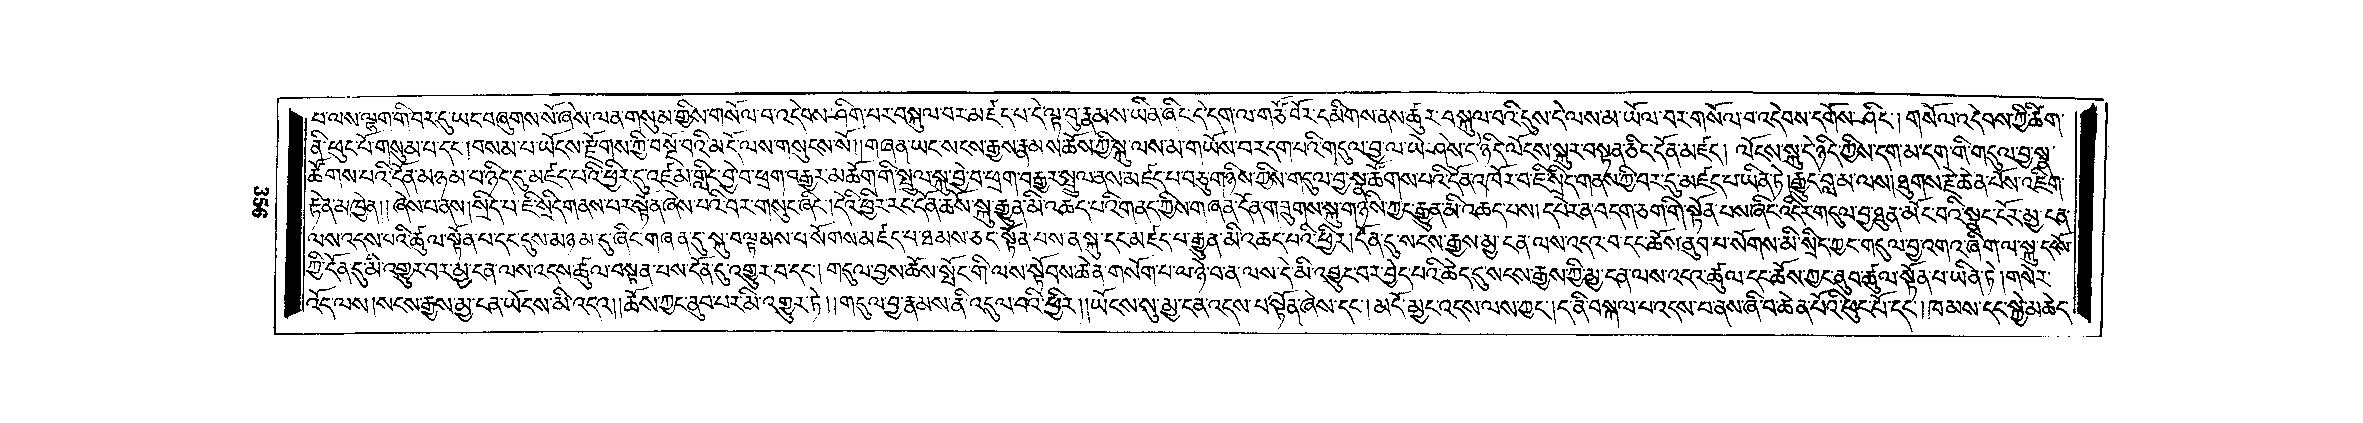པ་ལས་ལྷག་གི་བར་དུ་ཡང་བཞུགས་སོ་ཞེས་ལན་གསུམ་གྱིས་གསོལ་བ་འདེབས་ཤིག་པར་བསྐུལ་བར་མཛད་པ་དེ་ལྟ་བུ་རྣམས་ཡིན་ཞིང་དེ་དག་ལ་གཙོ་བོར་དམིགས་ནས་ཚུར་བསྐུལ་བའི་དུས་དེ་ལས་མ་ཡོལ་བར་གསོལ་བ་འདེབས་དགོས་ཤིང་། གསོལ་འདེབས་ཀྱི་ཚིག་
ནི་ཕུང་པོ་གསུམ་པ་དང་། བསམ་པ་ཡོངས་རྫོགས་ཀྱི་བསྔོ་བའི་མདོ་ལས་གསུངས་སོ། །གཞན་ཡང་སངས་རྒྱས་རྣམས་ཆོས་ཀྱི་སྐུ་ལས་མ་གཡོས་བར་དག་པའི་གདུལ་བྱ་ལ་ཡེ་ཤེས་དེ་ཉིད་ལོངས་སྐུར་བསྟན་ཅིང་དོན་མཛད། ལོངས་སྐུ་དེ་ཉིད་ཀྱིས་དག་མ་དག་གི་གདུལ་བྱ་སྣ་
ཚོགས་པའི་དོན་མཉམ་པ་ཉིད་དུ་མཛད་པའི་ཕྱིར་དུ་འཛམ་གླིང་བྱེ་བ་ཕྲག་བརྒྱར་མཆོག་གི་སྤྲུལ་སྐུ་བྱེ་བ་ཕྲག་བརྒྱར་སྤྲུལ་ནས་མཛད་པ་བཅུ་གཉིས་ཀྱིས་གདུལ་བྱ་སྣ་ཚོགས་པའི་དོན་འཁོར་བ་ཇི་སྲིད་གནས་ཀྱི་བར་དུ་མཛད་པ་ཡིན་ཏེ། རྒྱུད་བླ་མ་ལས། ཐུགས་རྗེ་ཆེན་པོས་འཇིག་
རྟེན་མཁྱེན། །ཞེས་པ་ནས། སྲིད་པ་ཇི་སྲིད་གནས་པར་སྟོན་ཞེས་པའི་བར་གསུང་ཞིང་། དེའི་ཕྱིར་རང་དོན་ཆོས་སྐུ་རྒྱུན་མི་འཆད་པའི་གནད་ཀྱིས་གཞན་དོན་གཟུགས་སྐུ་གཉིས་ཀྱང་རྒྱུན་མི་འཆད་པས། དཔེར་ན་བདག་ཅག་གི་སྟོན་པས་ཞིང་འདིར་གདུལ་བྱ་ཐུན་མོང་བའི་སྣང་ངོར་མྱ་ངན་
ལས་འདས་པའི་ཚུལ་སྟོན་པ་དང་དུས་མཉམ་དུ་ཞིང་གཞན་དུ་སྐུ་བལྟམས་པ་སོགས་མཛད་པ་ཐམས་ཅད་སྟོན་པས་ན་སྐུ་དང་མཛད་པ་རྒྱུན་མི་འཆད་པའི་ཕྱིར། དོན་དུ་སངས་རྒྱས་མྱ་ངན་ལས་འདའ་བ་དང་ཆོས་ནུབ་པ་སོགས་མི་སྲིད་ཀྱང་གདུལ་བྱ་འགའ་ཞིག་ལ་སྐུ་དངོས་
ཀྱི་དོན་དུ་མི་འགྱུར་བར་མྱ་ངན་ལས་འདས་ཚུལ་བསྟན་པས་དོན་དུ་འགྱུར་བ་དང་། གདུལ་བྱས་ཆོས་སྤོང་གི་ལས་སྟོབས་ཆེན་གསོག་པ་ལ་ཉེ་བ་ན་ལས་དེ་མི་འབྱུང་བར་བྱེད་པའི་ཆེད་དུ་སངས་རྒྱས་ཀྱི་མྱ་ངན་ལས་འདའ་ཚུལ་དང་ཆོས་ཀྱང་ནུབ་ཚུལ་སྟོན་པ་ཡིན་ཏེ། གསེར་
འོད་ལས། སངས་རྒྱས་མྱ་ངན་ཡོངས་མི་འདའ། །ཆོས་ཀྱང་ནུབ་པར་མི་འགྱུར་ཏེ། །གདུལ་བྱ་རྣམས་ནི་འདུལ་བའི་ཕྱིར། །ཡོངས་སུ་མྱ་ངན་འདས་པ་སྟོན་ཞེས་དང་། མདོ་མྱང་འདས་ལས་ཀྱང་། ད་ནི་བསྐལ་པ་འདས་པ་ནས་ཞི་བ་ཆེན་པོའི་ཕུང་པོ་དང་། །ཁམས་དང་སྐྱེ་མཆེད་